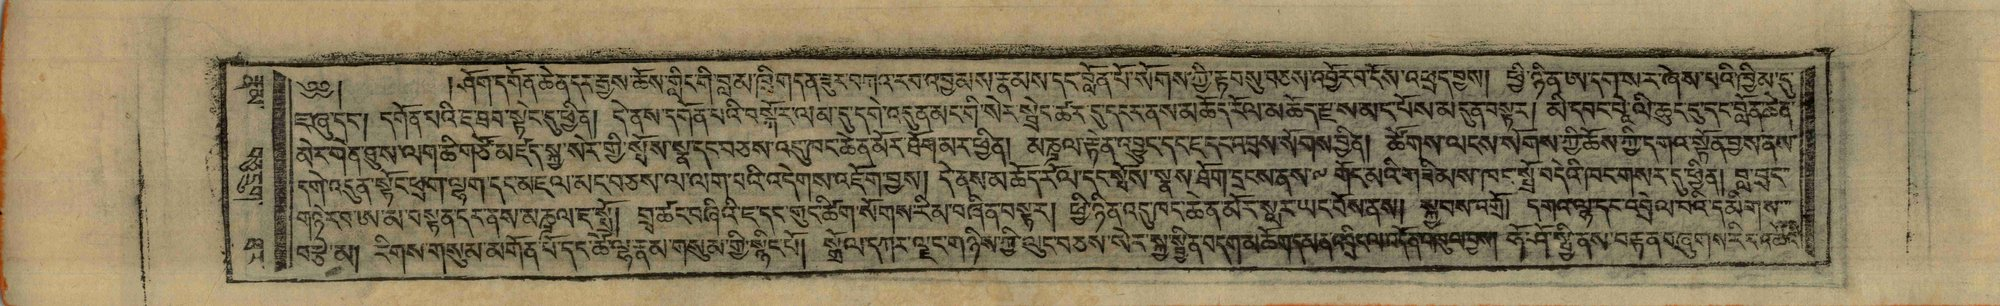༄༅། །ཤོག་དགོན་ཆེན་དར་རྒྱས་ཆོས་གླིང་གི་བླ་མ་ཁྲི་གདན་ཟུར་བཀའ་རབ་འབྱམས་རྣམས་དང་བློན་པོ་སོགས་ཀྱི་རྟབས་སུ་བཅས་འབྱོར་བ་རོས་འཕྲད་བྱས། ཕྱི་ཉིན་ཨ་དག་སར་ཞེས་པའི་ཁྱིམ་དུ་
ཇ་ཞུ་དང་། དགོན་པའི་ཇ་ཐབ་སྟེང་དུ་ཕྱིན། དེ་ནས་དགོན་པའི་བསྐོར་ལམ་དུ་དགེ་འདུན་མང་གི་སེར་སྦྲེང་ཚར་དུ་དངར་ནས་མཆོད་རོལ་མཆོད་རྫས་མང་པོས་མདུན་བསྟར། མི་དབང་པE་ལི་ཆུང་ངུ་དང་བློན་ཆེན་
མེར་གེན་ཐུ་ས་ལག་ཆི་གཙོ་མཛད་སྐྱ་སེར་གྱི་སྤོས་སྣ་དང་བཅས་འདུ་ཁང་ཆེན་མོར་ཐོག་མར་ཕྱིན། མཎྜལ་རྟེན་འབྱུང་དང་ཇ་དང་འབྲས་སོགས་བྱིན། ཚོགས་ལངས་སོགས་ཀྱི་ཆོས་ཀྱི་དགའ་སྟོན་བྱས་ནས་
དགེ་འདུན་སྟོང་ཕྲག་ལྷག་དང་མཇལ་མང་བཅས་ལ་ལག་པའི་འདེགས་འཇོག་བྱས། དེ་ནས་མཆོད་རོལ་དང་སྤོས་སྣས་ཐོག་དྲངས་ནས་༧་གོང་མའི་གཟིམས་ཁང་སྤྲོ་བདེའི་ཁང་གསར་དུ་ཕྱིན། བླ་བྲང་
གཉེར་བ་ཨ་མ་བསྟན་དར་ནས་མཎྜལ་ཇ་སྤྲོ། གྲྭ་ཚང་བཞིའི་ཇ་དང་གུང་ཚིག་སོགས་རིམ་བཞིན་བསྟར། ཕྱི་ཉིན་འདུ་ཁང་ཆེན་མོར་སླར་ཡང་བོས་ནས། སྐྱབས་འགྲོ། དགའ་ལྷ་དང་འབྲེལ་བའི་དམིགས་
བརྩེ་མ། རིགས་གསུམ་མགོན་པོ་དང་ཚེ་ལྷ་རྣམ་གསུམ་གྱི་སྙིང་པོ། སྒྲོལ་དཀར་ལྗང་གཉིས་ཀྱི་ལུང་བཅས་སེར་སྐྱ་སྦྱིན་བདག་མཆོག་དམན་འབྲིང་ལ་འདོན་འཁུལ་བྱས། ཧོ་ཤོ་སྤྱི་ནས་བརྟན་བཞུགས་རིང་འཚོའི་